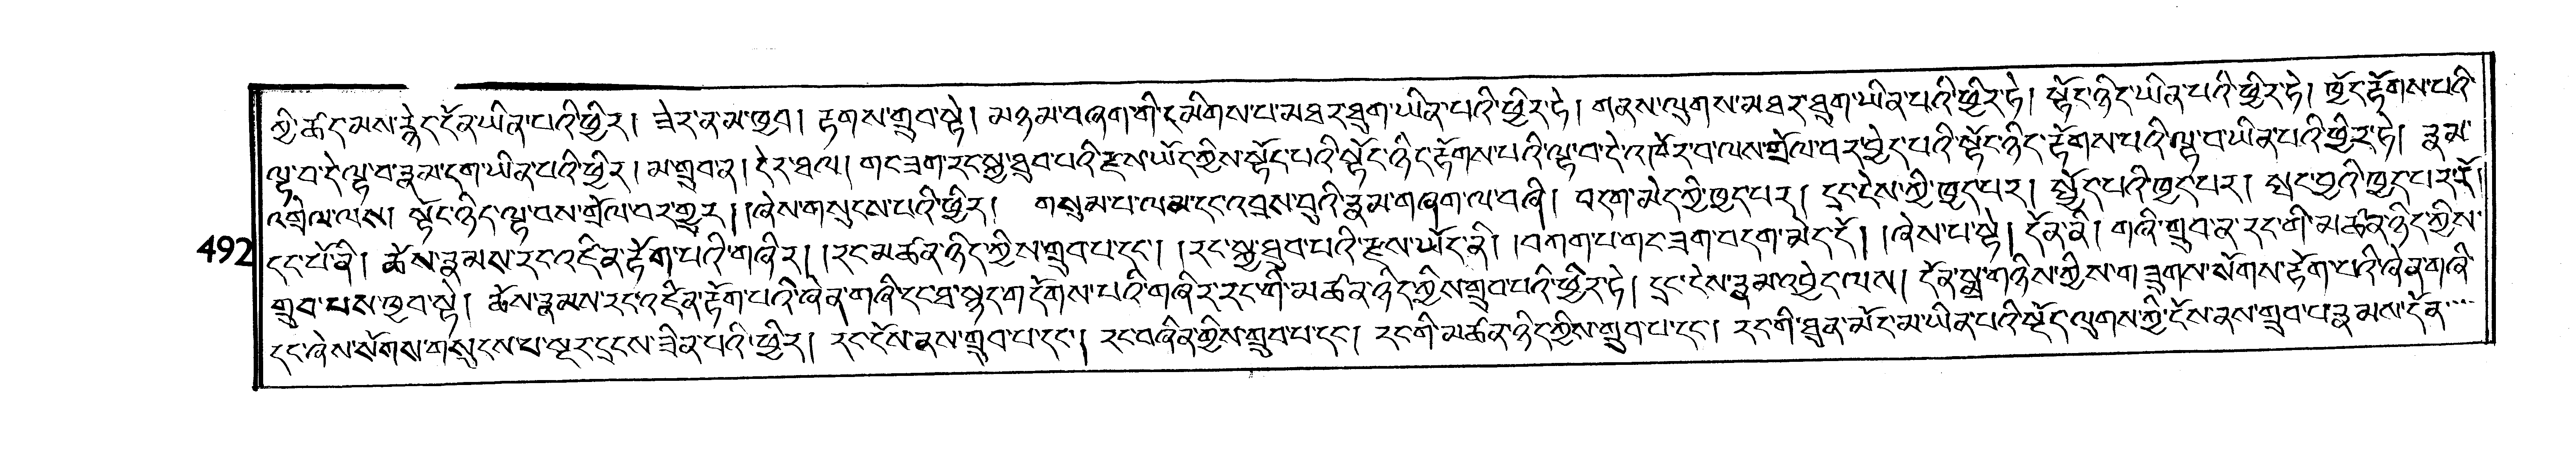ཀྱི་ཚད་མས་རྙེད་དོན་ཡིན་པའི་ཕྱིར། ཟེར་ན་མ་ཁྱབ། རྟགས་གྲུབ་སྟེ། མཉམ་བཞག་གི་དམིགས་པ་མཐར་ཐུག་ཡིན་པའི་ཕྱིར་ཏེ། གནས་ལུགས་མཐར་ཐུག་ཡིན་པའི་ཕྱིར་ཏེ། སྟོང་ཉིད་ཡིན་པའི་ཕྱིར་ཏེ། ཁྱོད་རྟོགས་པའི་
ལྟ་བ་དེ་ལྟ་བ་རྣམ་དག་ཡིན་པའི་ཕྱིར། མ་གྲུབ་ན། དེར་ཐལ། གང་ཟག་རང་སྐྱ་ཐུབ་པའི་རྫས་ཡོད་ཀྱིས་སྟོང་པའི་སྟོང་ཉིད་རྟོགས་པའི་ལྟ་བ་དེ་འཁོར་བ་ལས་གྲོལ་བར་བྱེད་པའི་སྟོང་ཉིད་རྟོགས་པའི་ལྟ་བ་ཡིན་པའི་ཕྱིར་ཏེ། རྣམ་
འགྲེལ་ལས། སྟོང་ཉིད་ལྟ་བས་གྲོལ་བར་གྱུར། །ཞེས་གསུངས་པའི་ཕྱིར། གསུམ་པ་ལམ་དང་འབྲས་བུའི་རྣམ་གཞག་ལ་བཞི། བདག་མེད་ཀྱི་ཁྱད་པར། དྲང་ངེས་ཀྱི་ཁྱད་པར། སྤྱོད་པའི་ཁྱད་པར། སྤང་བྱའི་ཁྱད་པར་རོ།
དང་པོ་ནི། ཆོས་རྣམས་རང་འཛིན་རྟོག་པའི་གཞིར། །རང་མཚན་ཉིད་ཀྱིས་གྲུབ་པ་དང་། །རང་སྐྱ་ཐུབ་པའི་རྫས་ཡོད་ནི། །བཀག་པ་གང་ཟག་བདག་མེད་དོ། །ཞེས་པ་སྟེ། དོན་ནི། གཞི་གྲུབ་ན་རང་གི་མཚན་ཉིད་ཀྱིས་
གྲུབ་པས་ཁྱབ་སྟེ། ཆོས་རྣམས་རང་འཛིན་རྟོག་པའི་ཞེན་གཞི་དང་ཐ་སྙད་གདོགས་པའི་གཞིར་རང་གི་མཚན་ཉིད་ཀྱིས་གྲུབ་པའི་ཕྱིར་ཏེ། དྲང་ངེས་རྣམ་འབྱེད་ལས། དོན་སྨྲ་གཉིས་ཀྱིས་གཟུགས་སོགས་རྟོག་པའི་ཞེན་གཞི་
དང་ཞེས་སོགས་གསུངས་པ་སྔར་དྲངས་ཟིན་པའི་ཕྱིར། རང་ངོས་ནས་གྲུབ་པ་དང་། རང་བཞིན་གྱིས་གྲུབ་པ་དང་། རང་གི་མཚན་ཉིད་ཀྱིས་གྲུབ་པ་དང་། རང་གི་ཐུན་མོང་མ་ཡིན་པའི་སྡོད་ལུགས་ཀྱི་ངོས་ནས་གྲུབ་པ་རྣམས་དོན་